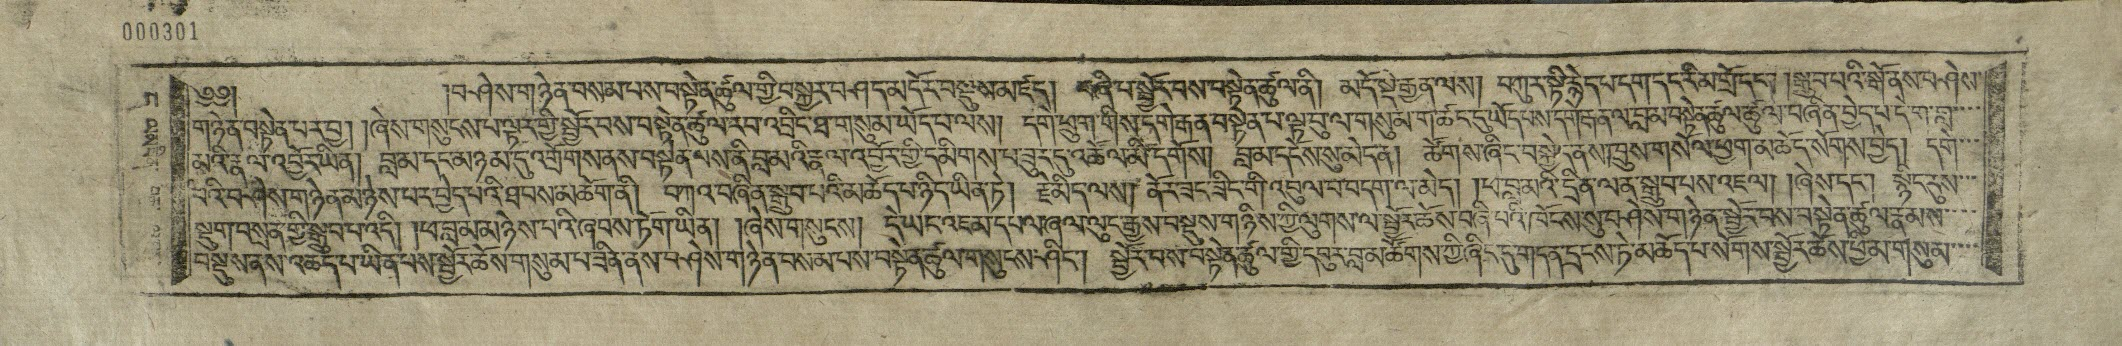༄༅། །བཤེས་གཉེན་བསམ་པས་བསྟེན་ཚུལ་གྱི་བསྐྱར་བཤད་མདོར་བསྡུས་མཛད། བཞི་པ་སྦྱོར་བས་བསྟེན་ཚུལ་ནི། མདོ་སྡེ་རྒྱན་ལས། བཀུར་སྟི་རྙེད་པ་དག་དང་རིམ་གྲོ་དང་། །སྒྲུབ་པའི་སྒོ་ནས་བཤེས་
གཉེན་བསྟེན་པར་བྱ། །ཞེས་གསུངས་པ་ལྟར་གྱི་སྦྱོར་བས་བསྟེན་ཚུལ་རབ་འབྲིང་ཐ་གསུམ་ཡོད་པ་ལས། དགེ་ཕྲུག་གིས་དགེ་རྒན་བསྟེན་པ་ལྟ་བུ་ལ་གསུམ་ག་ཚང་དུ་ཡོད་པས་དགེ་རྒན་ལ་བླ་མ་བསྟེན་ཚུལ་ཚུལ་བཞིན་བྱེད་པ་དེ་ག་བླ་
མའི་རྣལ་འབྱོར་ཡིན། བླ་མ་དང་མཉམ་དུ་འགྲོགས་ནས་བསྟེན་པས་ནི་བླ་མའི་རྣལ་འབྱོར་གྱི་དམིགས་པ་ཟུར་དུ་འཚོལ་མི་དགོས། བླ་མ་དངོས་སུ་མེད་ན། ཚོགས་ཞིང་བསྐྱེད་ནས་ཁྲུས་གསོལ་ཕྱག་མཆོད་སོགས་བྱེད། དགེ་
བའི་བཤེས་གཉེན་མཉེས་པར་བྱེད་པའི་ཐབས་མཆོག་ནི། བཀའ་བཞིན་སྒྲུབ་པའི་མཆོད་པ་ཉིད་ཡིན་ཏེ། རྗེ་མིད་ལས། ནོར་ཟང་ཟིང་གི་འབུལ་བ་བདག་ལ་མེད། །ཕ་བླ་མའི་དྲིན་ལན་སྒྲུབ་པས་འཇལ། །ཞེས་དང་། སྙིང་རུས་
སྡུག་བསྲན་གྱི་སྒྲུབ་པ་འདི། །ཕ་བླ་མ་མཉེས་པའི་ཞབས་ཏོག་ཡིན། །ཞེས་གསུངས། དེ་ཡང་འཇམ་དཔལ་ཞལ་ལུང་རྒྱས་བསྡུས་གཉིས་ཀྱི་ལུགས་ལ་སྦྱོར་ཆོས་བཞི་པའི་ཁོངས་སུ་བཤེས་གཉེན་སྦྱོར་བས་བསྟེན་ཚུལ་རྣམས་
བསྡུས་ནས་འཆད་པ་ཡིན་པས་སྦྱོར་ཆོས་གསུམ་པ་ཟིན་ནས་བཤེས་གཉེན་བསམ་པས་བསྟེན་ཚུལ་གསུངས་ཤིང་། སྦྱོར་བས་བསྟེན་ཚུལ་གྱི་དབུར་བླ་མ་ཚོགས་ཀྱི་ཞིང་དུ་གདན་དྲངས་ཏེ་མཆོད་པ་སོགས་སྦྱོར་ཆོས་ཕྱི་མ་གསུམ་